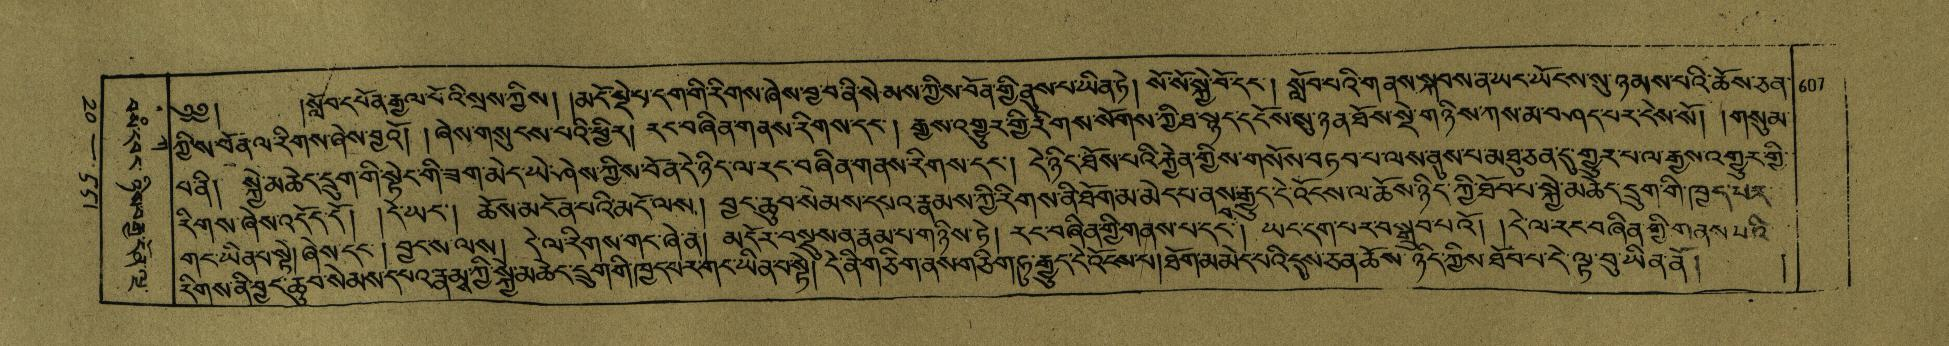༄༅། །སློབ་དཔོན་རྒྱལ་པོའི་སྲས་ཀྱིས། །མདོ་སྡེ་པ་དག་གི་རིགས་ཞེས་བྱ་བ་ནི་སེམས་ཀྱི་ས་བོན་གྱི་ནུས་པ་ཡིན་ཏེ། སོ་སོ་སྐྱེ་བོ་དང་། སློབ་པའི་གནས་སྐབས་ན་ཡང་ཡོངས་སུ་ཉམས་པའི་ཆོས་ཅན་
ཀྱི་ས་བོན་ལ་རིགས་ཞེས་བྱའོ། །ཞེས་གསུངས་པའི་ཕྱིར། རང་བཞིན་གནས་རིགས་དང་། རྒྱས་འགྱུར་གྱི་རིགས་སོགས་ཀྱི་ཐ་སྙད་དངོས་སུ་ཉན་ཐོས་སྡེ་གཉིས་ཀས་མ་བཤད་པར་ངེས་སོ། །གསུམ་
པ་ནི། སྐྱེ་མཆེད་དྲུག་གི་སྟེང་གི་ཟག་མེད་ཡེ་ཤེས་ཀྱི་ས་བོན་དེ་ཉིད་ལ་རང་བཞིན་གནས་རིགས་དང་། དེ་ཉིད་ཐོས་པའི་རྐྱེན་གྱིས་གསོས་བཏབ་པ་ལས་ནུས་པ་མཐུ་ཅན་དུ་གྱུར་པ་ལ་རྒྱས་འགྱུར་གྱི་
རིགས་ཞེས་འདོད་དོ། །དེ་ཡང་། ཆོས་མངོན་པའི་མདོ་ལས། བྱང་ཆུབ་སེམས་དཔའ་རྣམས་ཀྱི་རིགས་ནི་ཐོག་མ་མེད་པ་ནས་བརྒྱུད་དེ་འོངས་ལ་ཆོས་ཉིད་ཀྱི་ཐོབ་པ་སྐྱེ་མཆེད་དྲུག་གི་ཁྱད་པར་
གང་ཡིན་པ་སྟེ། ཞེས་དང་། བྱང་ས་ལས། དེ་ལ་རིགས་གང་ཞེ་ན། མདོར་བསྡུས་ན་རྣམ་པ་གཉིས་ཏེ། རང་བཞིན་གྱི་གནས་པ་དང་། ཡང་དག་པར་བསྒྲུབ་པའོ། །དེ་ལ་རང་བཞིན་གྱི་གནས་པའི་
རིགས་ནི་བྱང་ཆུབ་སེམས་དཔའ་རྣམས་ཀྱི་སྐྱེ་མཆེད་དྲུག་གི་ཁྱད་པར་གང་ཡིན་པ་སྟེ། དེ་ནི་གཅིག་ནས་གཅིག་ཏུ་རྒྱུད་དེ་འོངས་པ། ཐོག་མ་མེད་པའི་དུས་ཅན་ཆོས་ཉིད་ཀྱིས་ཐོབ་པ་དེ་ལྟ་བུ་ཡིན་ནོ། །